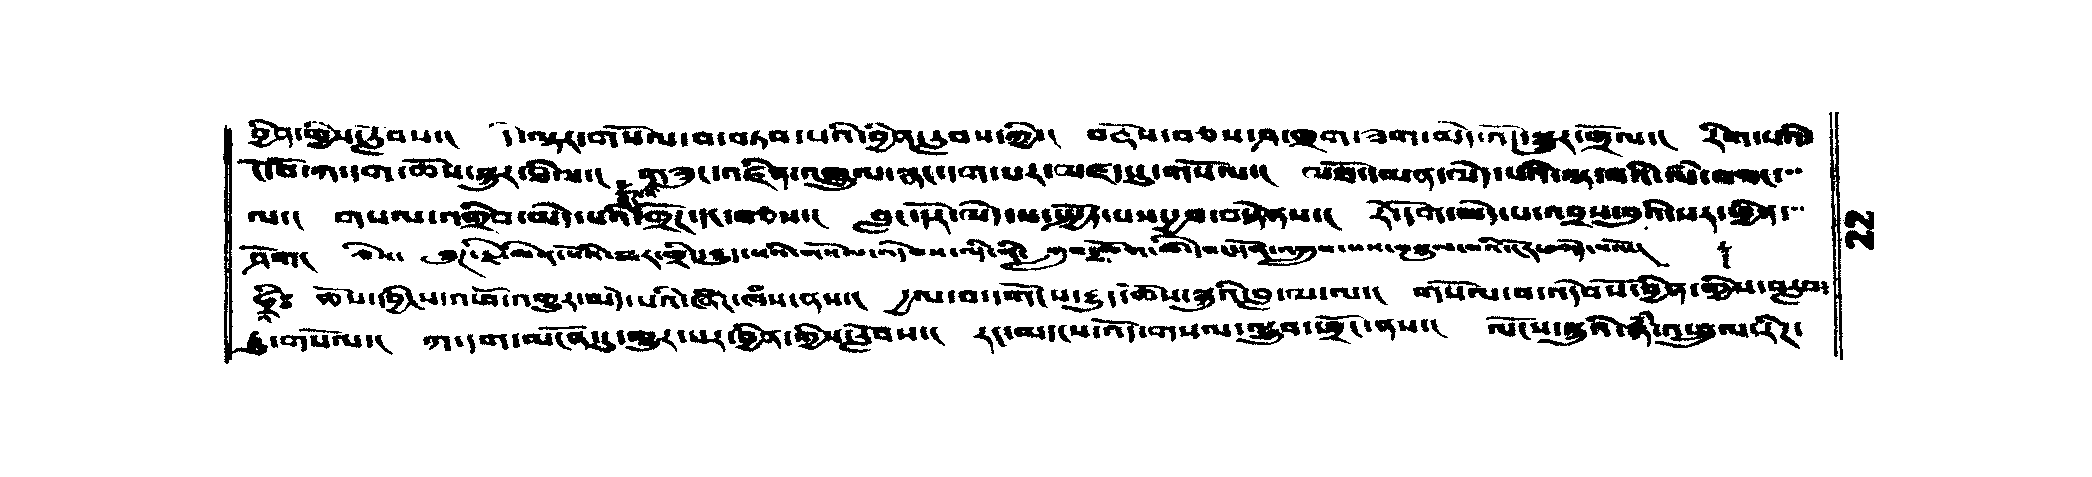བྱིན་གྱིས་རློབས། །དེ་ལྟར་གསོལ་བ་བཏབ་པའི་བྱིན་རླབས་ཀྱི། །བརྡོས་བཅས་ཤ་ཁྲག་ཟག་མེད་འོད་སྐུར་གྲོལ། །རིག་པའི་
ངོ་བོ་ཀ་དག་ཆོས་སྐུར་ཐིམ། །གཟུང་འཛིན་འཁྲུལ་སྣང་དག་པར་མཛད་དུ་གསོལ། །མཐོང་མན་མེད་པའི་ལྟ་བའི་ལམ་བཟང་
ལ། །གསལ་འགྲིབ་མེད་པའི་སྒོམ་པའི་གྲོགས་དང་བཅས། །བླང་དོར་མེད་པ་སྤྱོད་པས་རྒྱབ་བསྟེན་ནས། །རེ་དོགས་མེད་པ་འབྲས་བུའི་སར་ཕྱིན་
ཤོག ཅེས་ཐུགས་རྗེ་ཆེན་པོའི་དམར་ཁྲིད་བརྒྱུད་པའི་གསོལ་འདེབས་འདི་ནི། གྲུབ་མཆོག་ཚེ་དབང་དོན་འགྲུབ་པས་བསྐུལ་བའི་ངོར་བཀོད་པའོ།། ༈ 
ཧྲཱིཿ ཆོས་དབྱིངས་འཕོ་འགྱུར་མེད་པའི་ཞིང་ཁམས་ནས། །རྒྱལ་བ་དགོངས་རྒྱུད་ཆོས་སྐུའི་བླ་མ་ལ། །གསོལ་བ་འདེབས་སོ་བྱིན་གྱིས་བརླབ་
ཏུ་གསོལ། །ཀ་དག་མངོན་དུ་གྱུར་པར་བྱིན་གྱིས་རློབས། །རང་མདངས་འོད་གསལ་ལྷུན་གྲུབ་ཕོ་བྲང་ནས། །ལོངས་སྐུའི་རྣམ་འཕྲུལ་རིག་